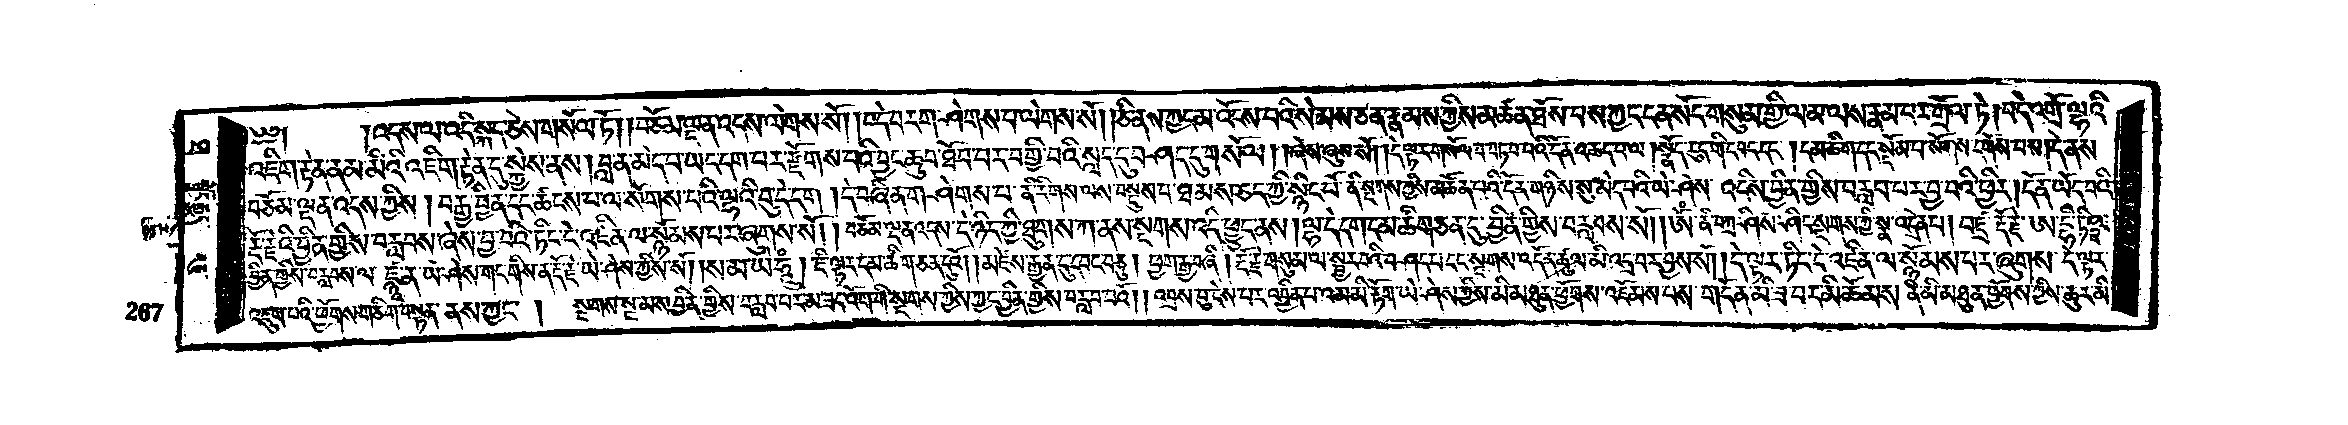༄༅། །འདས་ལ་འདི་སྐད་ཅེས་གསོལ་ཏོ། །བཅོམ་ལྡན་འདས་ལེགས་སོ། །བདེ་བར་གཤེགས་པ་ལེགས་སོ། །ཅི་ནས་ཀྱང་མ་འོངས་པའི་སེམས་ཅན་རྣམས་ཀྱིས་མཚན་ཐོས་པས་ཀྱང་ངན་སོང་གསུམ་གྱི་ལམ་ལས་རྣམ་པར་གྲོལ་ཏེ། བདེ་འགྲོ་ལྷའི་
འཇིག་རྟེན་ནམ་མིའི་འཇིག་རྟེན་དུ་སྐྱེས་ནས། བླ་ན་མེད་པ་ཡང་དག་པར་རྫོགས་པའི་བྱང་ཆུབ་ཐོབ་པར་བགྱི་བའི་སླད་དུ་བཤད་དུ་གསོལ། །ཞེས་ཞུས་སོ། །དེ་ལྟར་གསོལ་བ་བཏབ་པའི་དོན་འཆད་བ་ལ། སྣོད་རུང་གི་དབང་དང་། དམ་ཚིག་དང་སྡོམ་པ་སོགས་དགོས་པས། དེ་ནས
བཅོམ་ལྡན་འདས་ཀྱིས། བརྒྱ་བྱིན་དང་ཚངས་པ་ལ་སོགས་པའི་ལྷའི་བུ་དེ་དག །དེ་བཞིན་གཤེགས་པ་ནི་རིགས་ལས་བསྡུས་པ་ཐམས་ཅད་ཀྱི་སྙིང་པོ་ནི་སྔགས་ཀྱིས་མཚོན་པའི་དོན་གཉིས་སུ་མེད་པའི་ཡེ་ཤེས་འདིས་བྱིན་གྱིས་བརླབ་པར་བྱ་བའི་ཕྱིར། དོན་ཡོད་བའི་
རྡོ་རྗེའི་བྱིན་གྱིས་བརླབས་ཞེས་བྱ་བའི་ཏིང་ངེ་འཛིན་ལ་སྙོམས་པར་ཞུགས་སོ། །བཅོམ་ལྡན་འདས་དེ་ཉིད་ཀྱི་ཐུགས་ཀ་ནས་སྔགས་འདི་ཕྱུང་ནས། ལྷ་དེ་དག་དམ་ཚིག་ཅན་དུ་བྱིན་གྱིས་བརླབས་སོ། །ཨོཾ་ནི་བཀྲ་ཤིས་ཤིང་སྔགས་ཀྱི་སྣ་འདྲེན་པ། བཛྲ་རྡོ་རྗེ་ཨ་དྷི་ཏིཥཊཿཨ་
བྱིན་གྱིས་བརླབས་ལ་ཛྙཱ་ན་ཡེ་ཤེས་གང་གིས་ན་རྡོ་རྗེ་ཡེ་ཤེས་ཀྱིས་སོ། །ས་མ་ཡ་ཧཱུཾ། ཇི་ལྟར་དམ་ཚིག་ཅན་དུའོ། །མཛེས་རྒྱན་དུ་དབང་བཅུ། ཕྱག་རྒྱ་བཞི། རྡོ་རྗེ་གསུམ་ལ་སྦྱར་བའི་བཤད་པ་དང་སྔགས་འདོན་ཚུལ་མི་འདྲ་བར་བྱས་སོ། །དེ་ལྟར་ཏིང་ངེ་འཛིན་ལ་སྙོམས་པར་ཞུགས། དེ་ལྟར་
འཇུག་པའི་ཕྱོགས་གཅིག་བསྟན་ནས་ཀྱང་། སྔགས་སྔ་མས་བྱིན་གྱིས་བརླབས་པར་མ་ཟད་འོག་གི་སྔགས་ཀྱིས་ཀྱང་བྱིན་གྱིས་བརླབ་པའོ། །འབྲས་བུ་ངེས་པར་འབྱིན་པ་འམ་མི་རྟོག་ཡེ་ཤེས་ཀྱིས་མི་མཐུན་ཕྱོགས་འཇོམས་པས་གདོན་མི་ཟ་བར་མི་ཚོམས་ནི་མི་མཐུན་ཕྱོགས་ཀྱིས་ཆུར་མི་